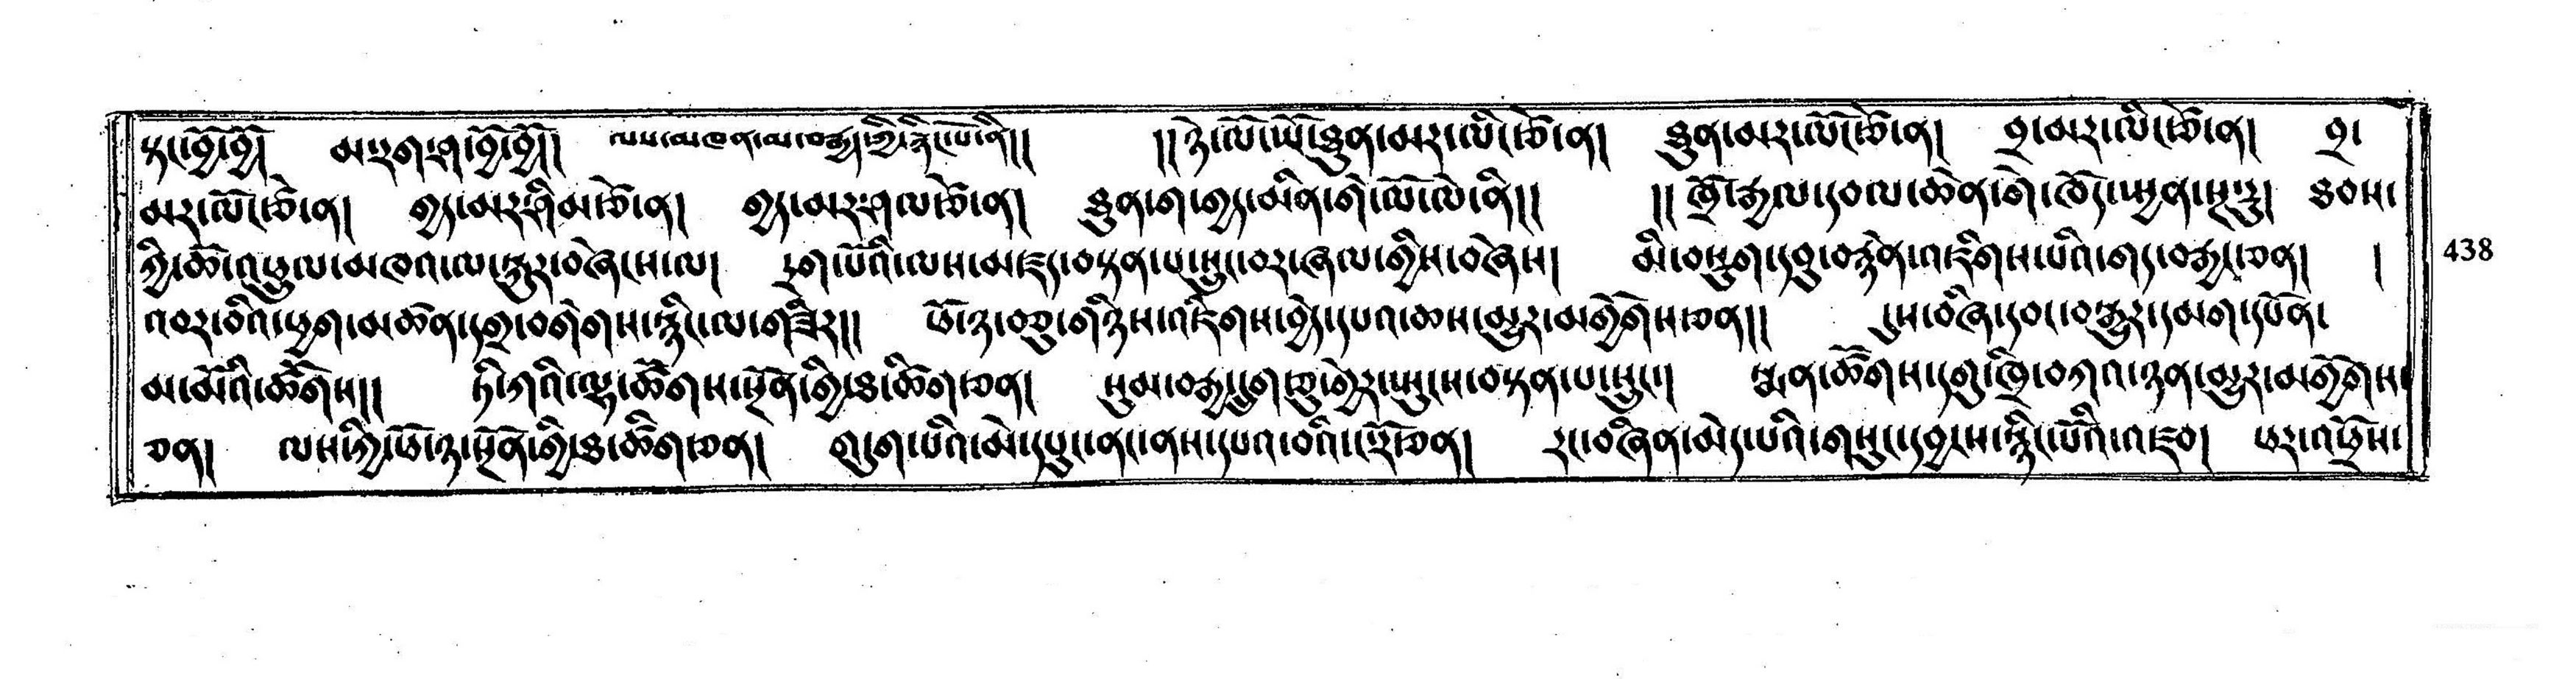སྟང་བྱོ་བྱོ། མ་རག་ཤ་བྱོ་བྱོ།། ལས་མཁན་མ་བརྒྱད་ཀྱི་སྙིང་པོ་ནི།། །།ཉེ་ལོ་ཡོ་ཐུན་མར་ལིང་ཙེ་ན། ཐུན་མར་ལོང་ཙེ་ན། བྲ་མར་ལིང་ཙེ་ན། བྲ་
མར་ལོང་ཙེ་ན། གྱད་མར་ཤིམ་ཙེ་ན། གྱད་མར་ཤལ་ཙེ་ན། ཐུན་ག་{451}གྱད་མིན་གེ་ལོ་ལེ་ནི།། །།ཁྲོ་རྒྱལ་དབལ་ཆེན་གེ་ཁོད་སྤྱན་སྔ་རུ། ཐབས་
ཀྱི་ཆོ་འཕྲུལ་མཁའ་ལ་སྐུར་བཞེངས་ལ། དྲག་པོའི་ལས་མཛད་བསྟན་པ་སྲུང་བར་ཞལ་གྱིས་བཞེས། མི་བསྡུག་དབུ་བརྙེན་འཇིགས་པའི་གད་རྒྱངས་ཅན། 
འབར་བའི་ཕྱག་མཚན་དགྲ་བགེགས་སྙིང་ལ་གཟིར།། ཕོ་ཉ་བཅུ་གཉིས་འཇིགས་བྱེད་དཔའ་ཆས་མྱུར་མགྱོགས་ཅན།། དུས་བཞི་དབང་བསྒྱུར་དམག་དཔོན་
མ་མོའི་ཚོགས།། ཏི་ཀའི་ལྷ་ཚོགས་སྔོན་གྱི་ཐ་ཚིག་ཅན། སུམ་བརྒྱ་དྲུག་ཅུ་གྱེར་སྤུངས་བསྟན་པ་སྲུང་། སྨན་ཚོགས་དགུ་ཁྲི་བཀའ་ཉན་མྱུར་མགྱོགས་
ཅན། ལས་ཀྱི་ཕོ་ཉ་སྔོན་གྱི་ཐ་ཚིག་ཅན། གདུག་པའི་མེ་དཔུང་ནང་ནས་དཔའ་བའི་ང་རོ་ཅན། རང་བཞིན་མེད་པའི་གསུང་དབྱངས་སྙིང་པོའི་འཛབ། ཕར་འཕྲོས་